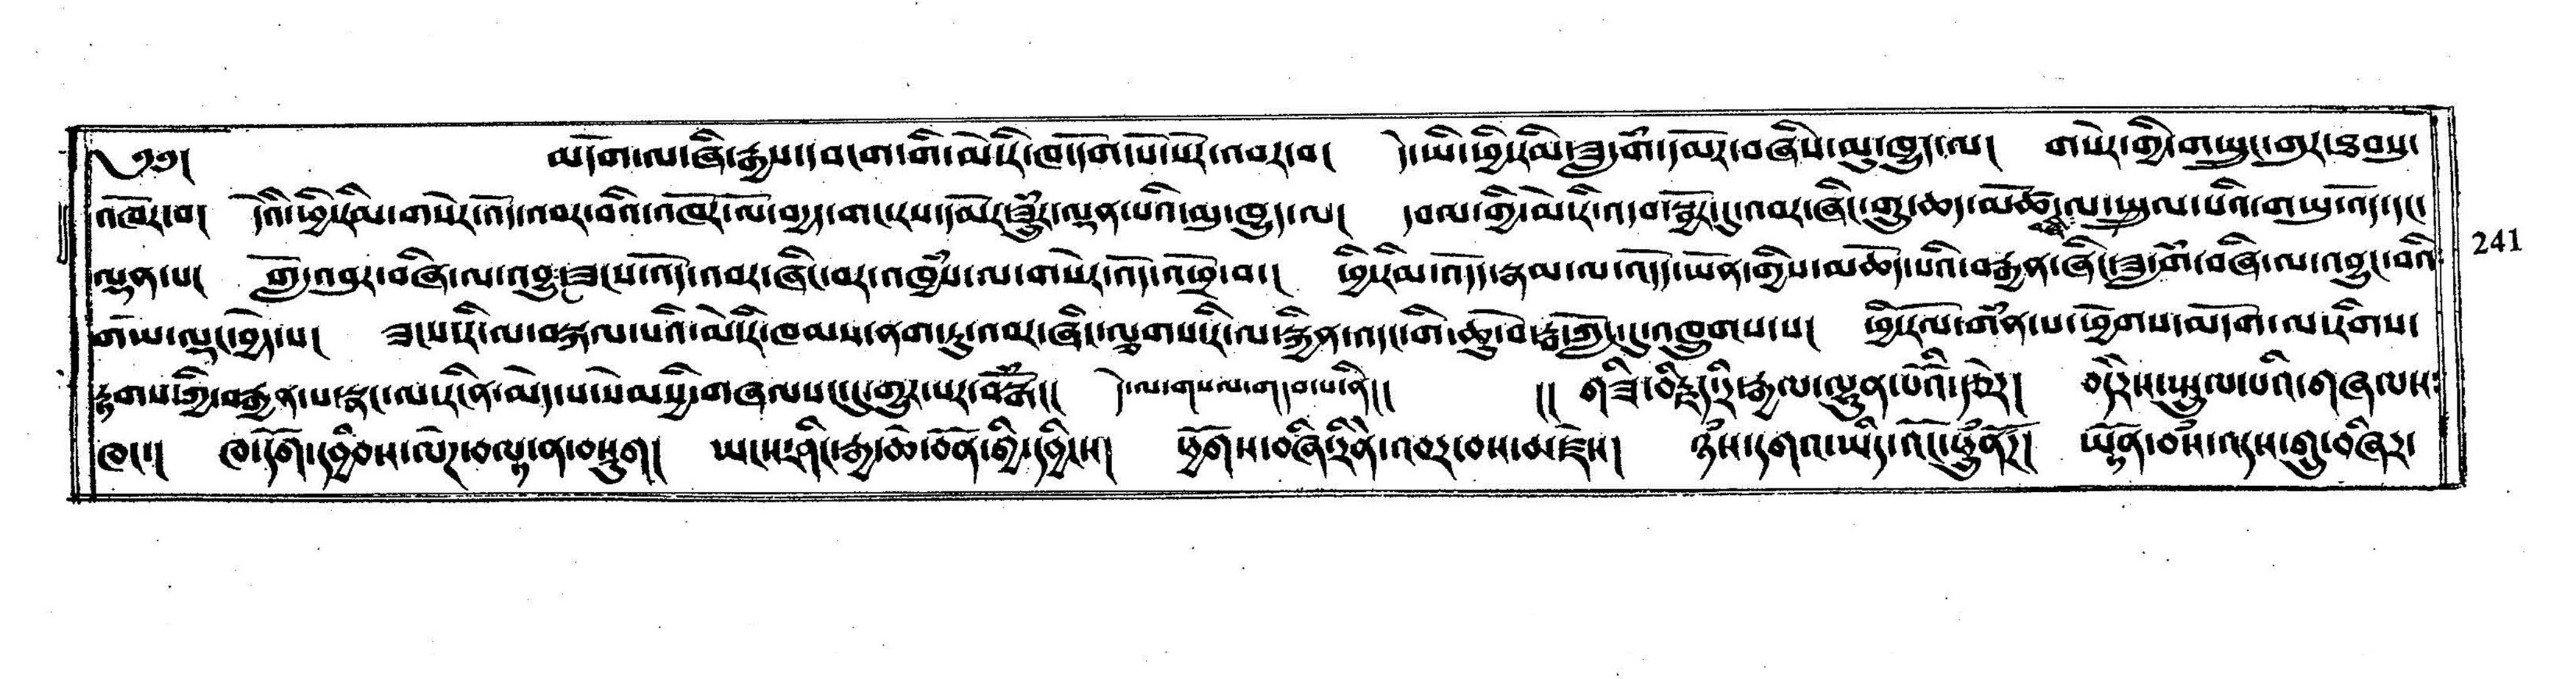མདོག་ལ་ཞི་རྒྱས་དབང་དྲག་གི་མེ་རི་ཁ་དོག་སོ་སོར་འབར་བ། དེ་ཡི་ཕྱི་རིམ་ཟླ་གམ་དམར་པོ་བཞིས་མུ་ཁྱུད་ལ། གསེར་གྱི་གཡུང་དྲུང་གུར་ཐབས་སུ་
འཁོར་བ། དེའི་ཕྱི་རིམ་གསེར་འོད་འབར་བའི་འཁོར་ལོ་བརྒྱད་གང་རས་དམར་པོ་ཟུར་གསུམ་ལྡན་པའི་མུ་ཁྱུད་ལ། དབལ་གྱི་མེ་རི་འདབ་སྦྱོར་དུ་འབར་ཞིང་གྲུ་ཆད་མཚོ་བཞི་ལ་སྤྲུལ་པའི་གཡུ་འོད་དང་
ལྡན་པ། གློ་འབུར་བཞི་ལ་འབྱུང་ཟངས་འོད་འབར་ཞིང་བར་འཁྱམས་ལ་གསེར་འོད་འཕྲོ་བ། ཕྱི་རིམ་འདོད་སྣམ་ལ་འདོད་ཡོན་གྱིས་མཆོད་པའི་བརྒྱན་ཞིང་ཟླ་གམ་བཞི་ལ་འབྱུང་བའི་
གཡོ་ལྡང་བྱེད་པ། ཟངས་རི་ལ་བསྐལ་པའི་མེ་རི་ཁམས་ནག་ཏུ་འབར་ཞིང་ལྕགས་རི་ལ་སྐྱིན་འདང་གི་ཆུ་བོ་རྦ་ཀློང་དུ་འཁྲུགས་པ། ཕྱི་རོལ་གནམ་ས་ཕྱོགས་མདོག་ལ་རིགས་
རྟགས་ཀྱི་བརྒྱན་པ་སྣང་ལ་རང་བཞིན་མེད་པ་སེམས་ཀྱི་གཞལ་ཡས་ཁང་དུ་གྱུར་པར་བསྒོམ།། དེ་ལ་གསལ་གདབ་པ་ནི།། །།གཟི་བརྗིད་རི་རྒྱལ་ལྷུན་པོའི་རྩེར། བདེར་གཤེགས་སྤྲུལ་པའི་གཞལ་
ཡས་ཁང་། ཁ་དོག་དབྱིབས་ལེགས་བལྟ་ན་བསྡུག ཡངས་ཤིང་རྒྱ་ཆེ་བོན་གྱི་དབྱིངས། ཕྱོགས་བཞི་རིན་ཆེན་འབར་བས་མཛེས། ཉམས་དགའ་ཡིད་འོང་ཕུན་སུམ་ཚོགས། ཡོན་ཏན་བསམ་འདས་གྲུ་བཞིར་